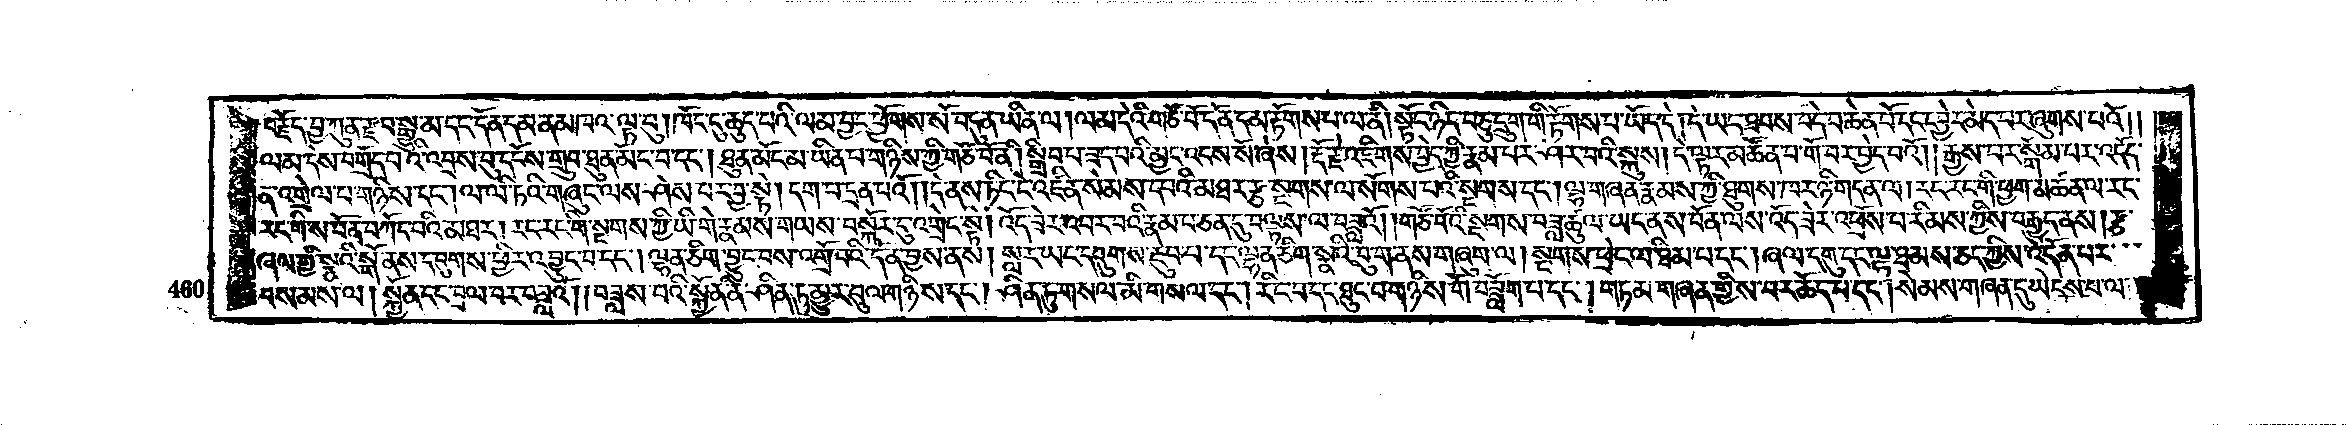བརྗོད་བྱ་ཀུན་རྫོབ་སྒྱུ་མ་དང་དོན་དམ་ནམ་མཁའ་ལྟ་བུ། ཁོང་དུ་ཆུད་པའི་ལམ་བྱང་ཕྱོགས་སོ་བདུན་ཡིན་ལ། ལམ་དེའི་གཙོ་བོ་དོན་དམ་རྟོགས་པ་ལ་ནི། སྟོང་ཉིད་བཅུ་དྲུག་གི་རྟོགས་པ་ཡོད་དེ། དེ་ཡང་ཐབས་བདེ་བ་ཆེན་པོ་དང་དབྱེར་མེད་པར་ཞུགས་པའོ། །
ལམ་དེས་བགྲོད་པའི་འབྲས་བུ་དངོས་གྲུབ་ཐུན་མོང་བ་དང་། ཐུན་མོང་མ་ཡིན་པ་གཉིས་ཀྱི་གཙོ་བོ་ནི། སྒྲིབ་པ་ཟད་པའི་མྱང་འདས་སོ་ཞེས། རྡོ་རྗེ་འཇིགས་བྱེད་ཀྱི་རྣམ་པར་ཤར་བའི་སྐུས། དེ་ལྟར་མཚོན་པ་གོ་བར་བྱེད་པའོ། །རྒྱས་པར་སྒོམ་པར་འདོད་
ན་འགྲེལ་པ་གཉིས་དང་། ལ་ལི་ཏའི་གཞུང་ལས་ཤེས་པར་བྱ་སྟེ། དག་པ་དྲན་པའོ། །དེ་ནས་ཏིང་ངེ་འཛིན་སེམས་དཔའི་མཐར་རྩ་སྔགས་ལ་སོགས་པའི་སྔགས་དང་། ལྷ་གཞན་རྣམས་ཀྱི་ཐུགས་ཁར་ཉི་གདན་ལ། རང་རང་གི་ཕྱག་མཚན་ལ་རང་
རང་གི་ས་བོན་བཀོད་པའི་མཐར། རང་རང་གི་སྔགས་ཀྱི་ཡི་གེ་རྣམས་གཡས་བསྐོར་དུ་འགྲེང་སྟེ། འོད་ཟེར་འབར་བའི་རྣམ་པ་ཅན་དུ་བལྟས་ལ་བཟླའོ། །གཙོ་བོའི་སྔགས་བཟླ་ཚུལ་ཡང་ན་ས་བོན་ལས་འོད་ཟེར་འཕྲོས་པ་རིམས་ཀྱིས་བརྒྱུད་ནས། རྩ་
ཞལ་གྱི་སྣའི་སྒོ་ནས་དབུགས་ཕྱིར་འབྱུང་བ་དང་། ལྷན་ཅིག་བྱུང་བས་འགྲོ་བའི་དོན་བྱས་ནས། སླར་ཡང་དབུགས་རྡུབ་པ་དང་ལྷན་ཅིག་སྣའི་བུ་ག་ནས་གཞུག་ལ། སྔགས་ཕྲེང་ལ་ཐིམ་པ་དང་། ཞལ་དགུ་དང་ལྷ་ཐམས་ཅད་ཀྱིས་འདོན་པར་
བསམས་ལ། སྐྱོན་དང་བྲལ་བར་བཟླའོ། །བཟླས་པའི་སྐྱོན་ནི་ཤིན་ཏུ་མྱུར་རྡུལ་?་གཉིས་དང་། ཤིན་ཏུ་གསལ་མི་གསལ་དང་། རིང་བ་དང་ཐུང་བ་གཉིས་གོ་བཟློག་པ་དང་། གཏམ་གཞན་གྱིས་བར་ཆོད་པ་དང་། སེམས་གཞན་དུ་ཡེངས་པ་ལ་